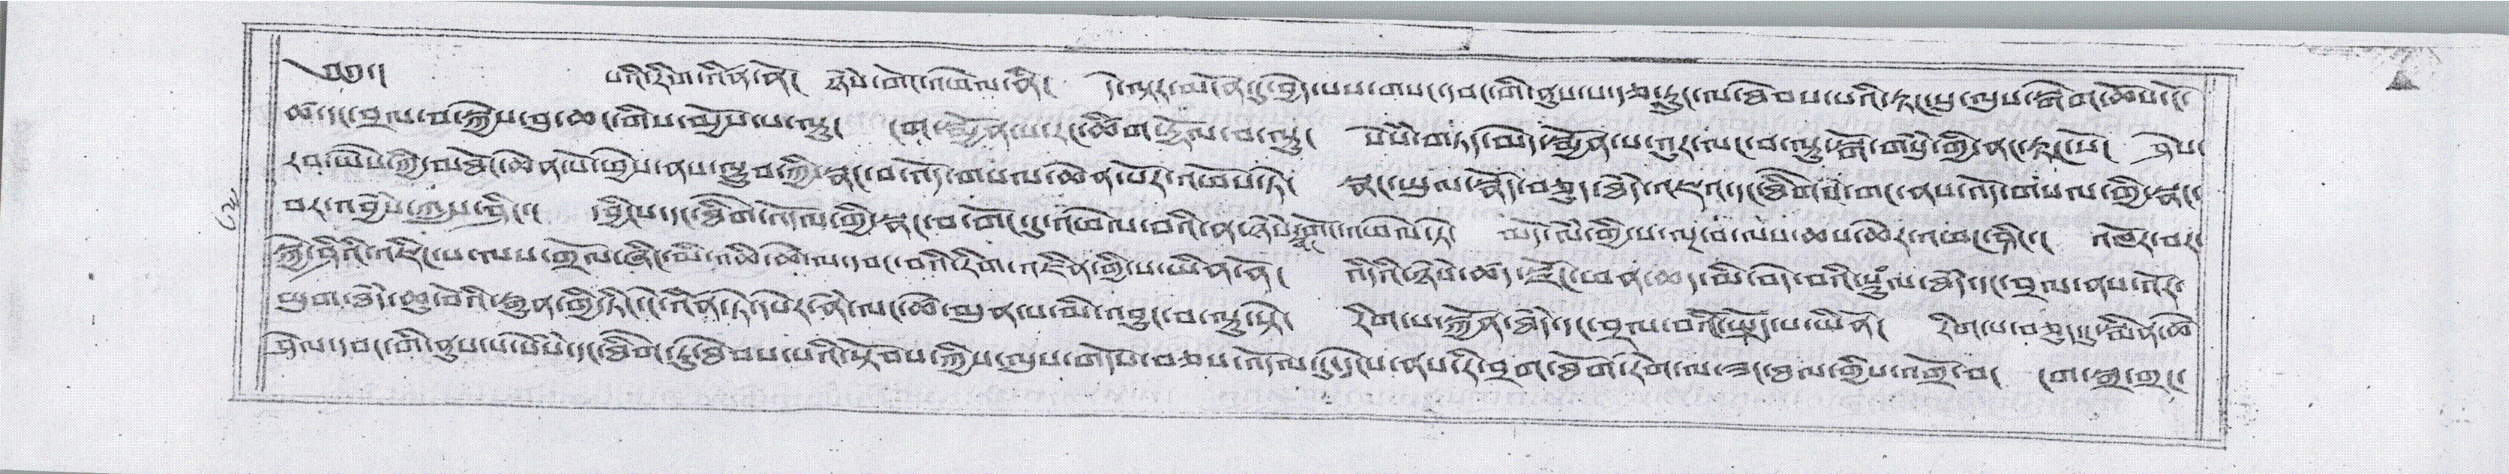པའི་རིག་འཛིན་ནོ། ཉམས་གོང་འཕེལ་ནི། དེ་ལྟར་མངོན་དུ་བྱེད་པས་གསང་དབང་གི་ནུས་པ་རྩ་རླུང་ལ་ཐེབས་པའི་རྟགས་སུ་ལུས་སྒེག་ཆོས་ངོ་
ཚ་དང་བྲལ་བ་སྐྱེས་བུ་ཆང་གིས་མྱོས་པ་ལྟ་བུ། ངག་སྨྱོན་པ་རང་ཚིག་རྡོལ་བ་ལྟ་བུ། སེམས་གཏད་མེད་སྨྱོན་པ་འུར་ལངས་པ་ལྟ་བུ་སྒོ་གསུམ་གྱི་ནང་རྟགས་སོ། ཤེས་
རབ་ཡེ་ཤེས་ཀྱི་མཐོང་ཆེན་པོ་ཕྱེས་ནས་ལྷུན་གྲུབ་ཀྱི་སྣང་བ་འོད་གསལ་ཆེན་པོར་འཕོས་ཏེ། སྣང་ཡུལ་སྣོད་བཅུད་ཐམས་ཅད་འཇའ་དང་ཐིག་ལེས་གང་ནས་འོད་གསལ་གྱི་སྣང་
བར་འབྱམས་ཀླས་ཤིང་། དབྱིངས་དང་ཐིག་ལེ་འདོམ་གྱི་སྣང་བ་གོང་དུ་འཕེལ་བས་ན་ཉམས་གོང་འཕེལ་ཏེ། མདོ་ལམ་གྱི་ས་ལྔ་པ་ལས་ཆེས་ཆེར་འཕགས་ཤིང་། འཁོར་བར་
སྐྱེ་ཤིའི་འཇིགས་པ་ལས་གྲོལ་ཞིང་མི་འཆི་ཚེ་ལ་དབང་བའི་རིག་འཛིན་གྱི་ས་ཡིན་ནོ། འདིའི་ཉམས་ཚད་རྫོགས་ཕན་ཆད་མི་བདེ་བའི་སྡུག་བསྔལ་ཐམས་ཅད་དང་བྲལ་ནས་འཁོར་
ཡུག་ཐམས་ཅད་ཆུ་བོའི་རྒྱུན་གྱི་ཏིང་ངེ་འཛིན་ཏེ་དཔེར་ན་ནམ་ལང་ཚེ་མུན་པ་མི་འབྱུང་བ་ལྟ་བུ་སྟེ། རིག་པ་སྐྱོན་ཐམས་ཅད་དང་བྲལ་བ་ངོ་སྤྲོད་པ་ཡིན་ནོ། རིག་པ་བཅུད་དུ་སྨིན་ཚེ་
ཤེལ་དབང་གི་ནུས་པ་སེམས་དང་ཐིག་ལེ་རུ་ཐེབས་པའི་སྟོབས་ཀྱིས་ལུས་གདོས་བཅས་འོད་གསལ་དུ་དེངས་ནས་རི་བྲག་ཐོག་རེག་ལ་ཟང་ཐལ་གྱིས་འགྲོ་བ། ངག་སྒྲ་གྲགས་